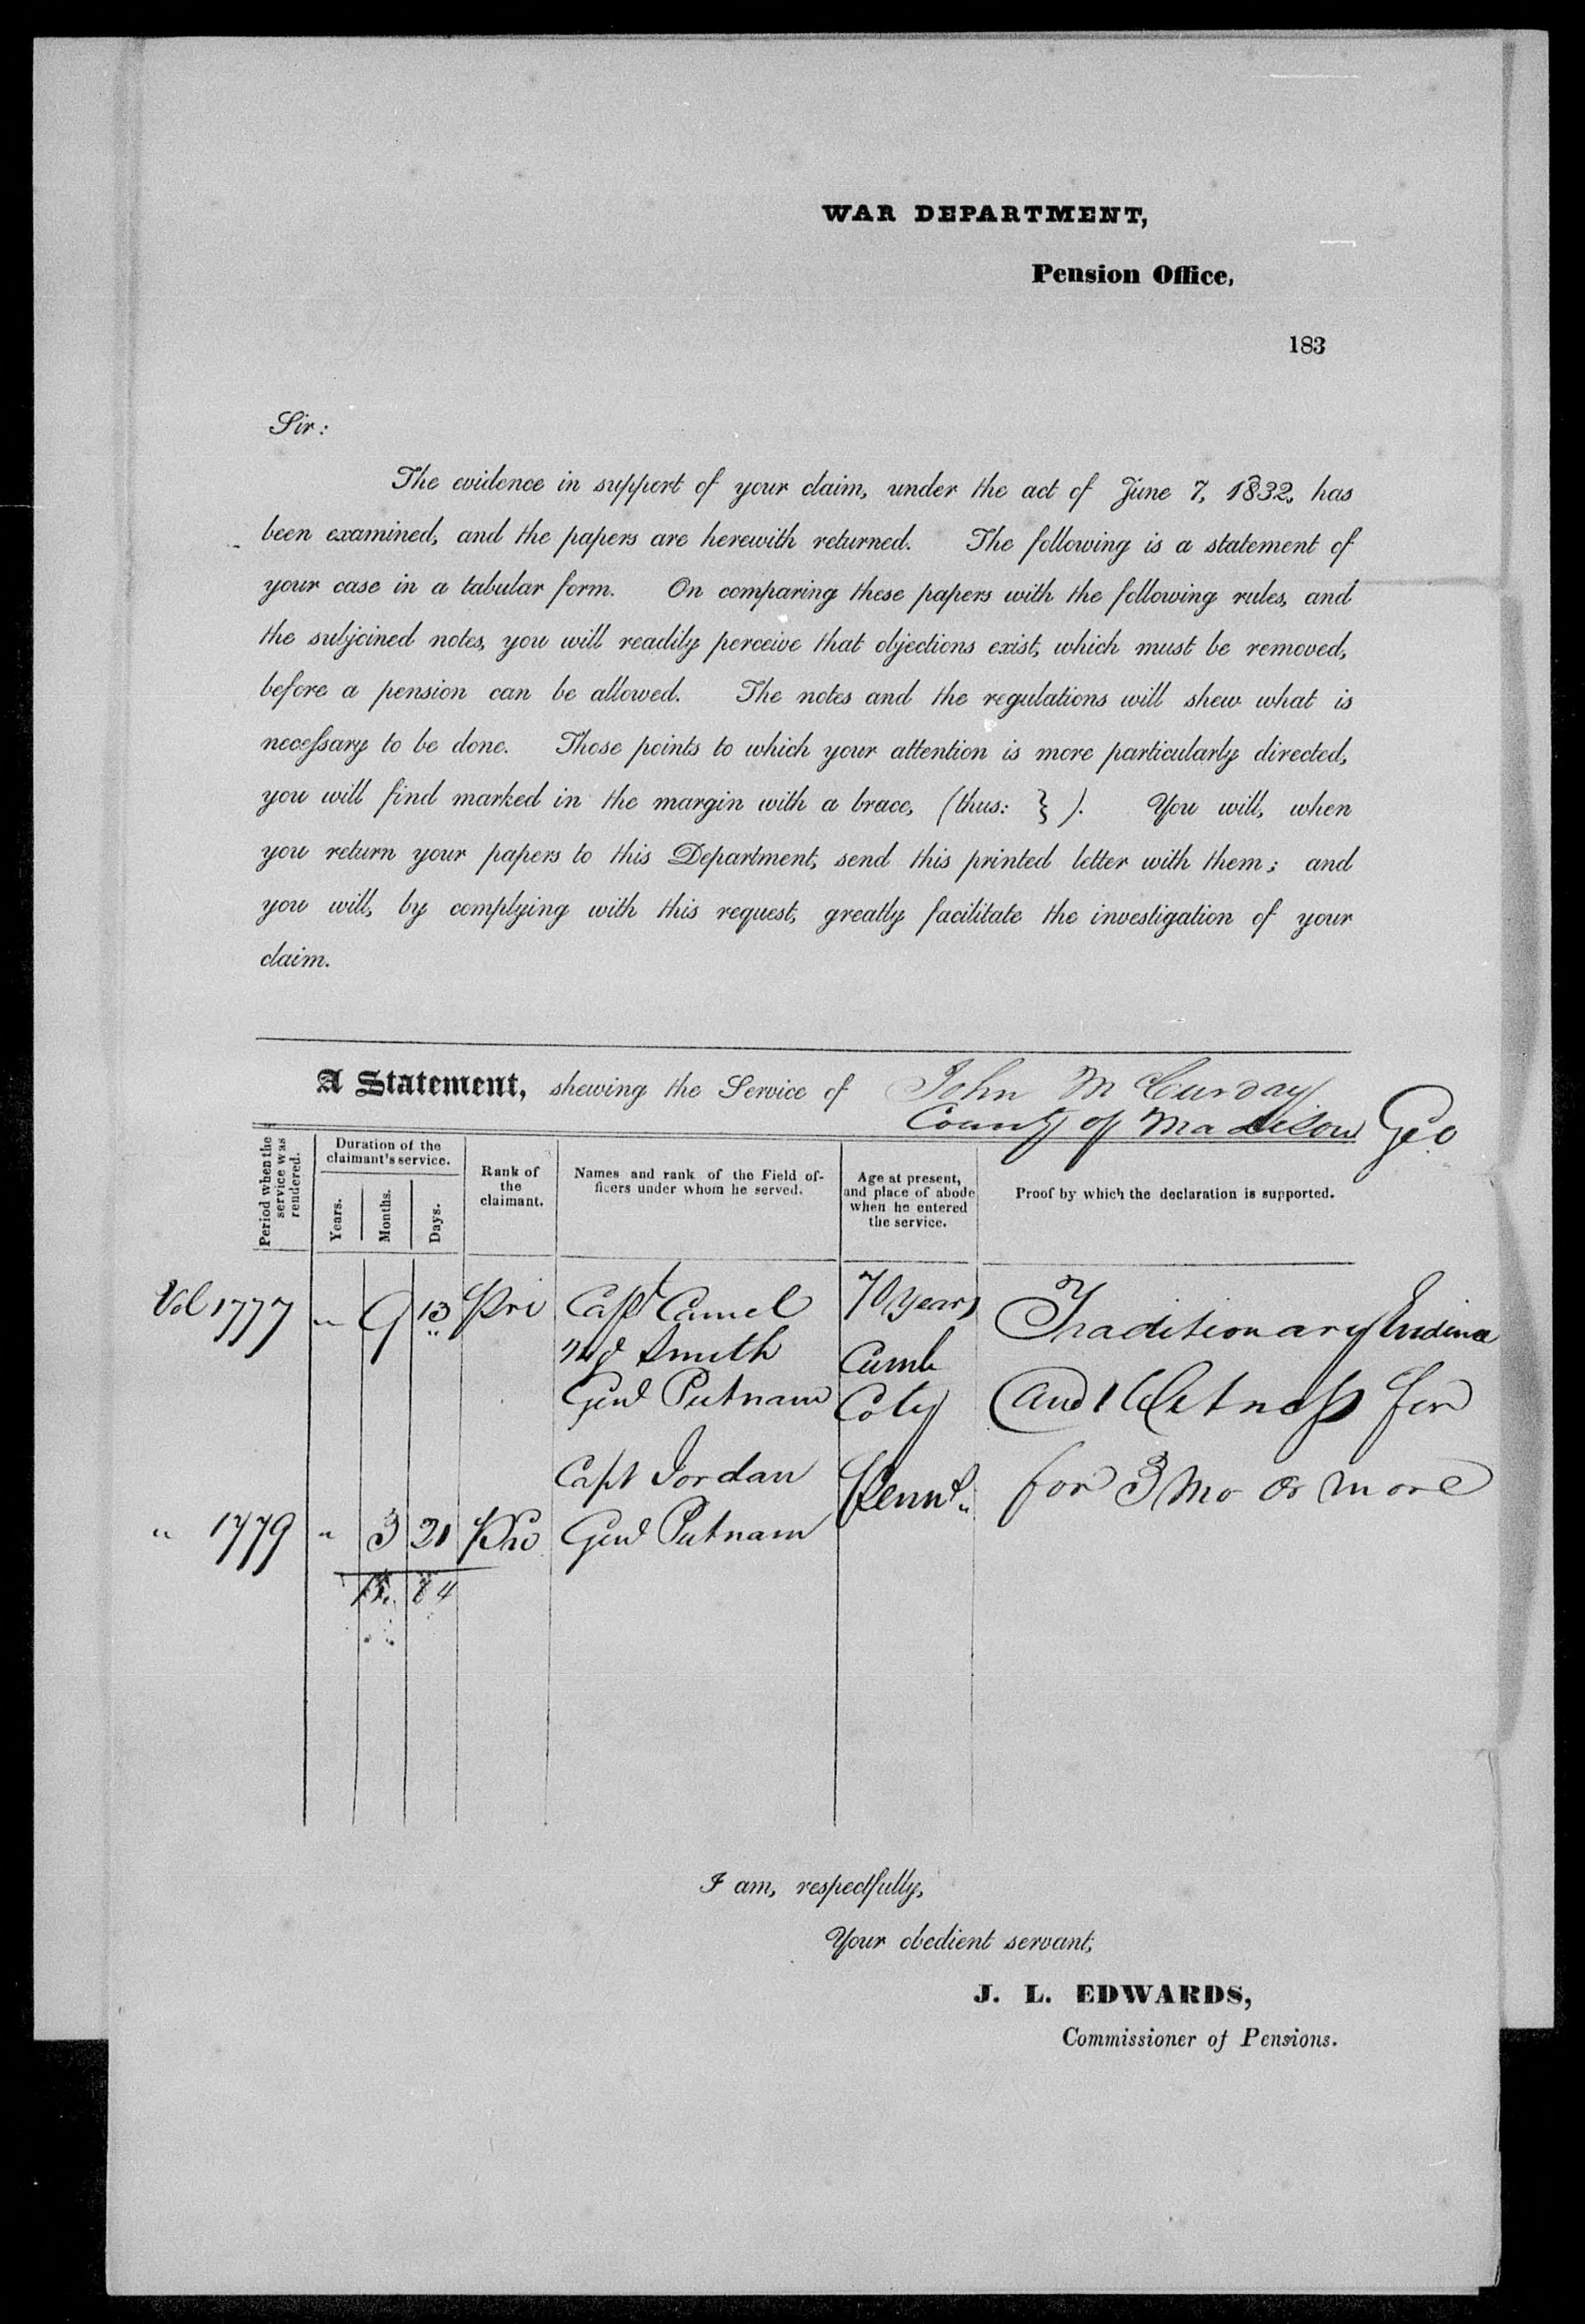WAR DEPARTMENT.
Pension Office,
183

Sir:
The evidence in support of your claim, under the act of June 7, 1832, has
been examined, and the papers are herewith returned. The following is a statement of
your case in a tabular form. On comparing these papers with the following rules, and
the subjoined notes, you will readily perceive that objections exist, which must be removed,
before a pension can be allowed. The notes and the regulations will shew what is
necessary to be done. Those points to which your attention is more particularly directed,
you will find marked in the margin with a brace, (thus: }).
You will, when
you return your papers to this Department, send this printed letter with them; and
you will, by complying with this request, greatly facilitate the investigation of your
claim.

I am, respectfully,
Your obedient servant,
J. L. EDWARDS,
Commissioner of Pensions.

A Statement, shewing the Service of John McCurday, County of Madison Geo


Duration of the
claimant's service.
1777    9 months 13 days
1779    3 months 20 days

Names and
rank of the Field officers
under whom he served.
1777
Capt Camel
Mr Smith
Genl Putnam

1779
Capt. Jordan
Genl Putnam

Rank of
the
claimant.
Priv.

Age at present,
and place of abode
70 Years, Cumb County, Penns.

Proof by which the declaration is supported.
Traditionary ? and ?for 3 mos or more.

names: [BLANK] Smith; [BLANK] Jordan; John Mc Curdy; [BLANK] Putnam; [BLANK] Camel; J L Edwards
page: 8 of 19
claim: survivor's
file: S. 31,855, for John Mc Curdy, Pennsylvania